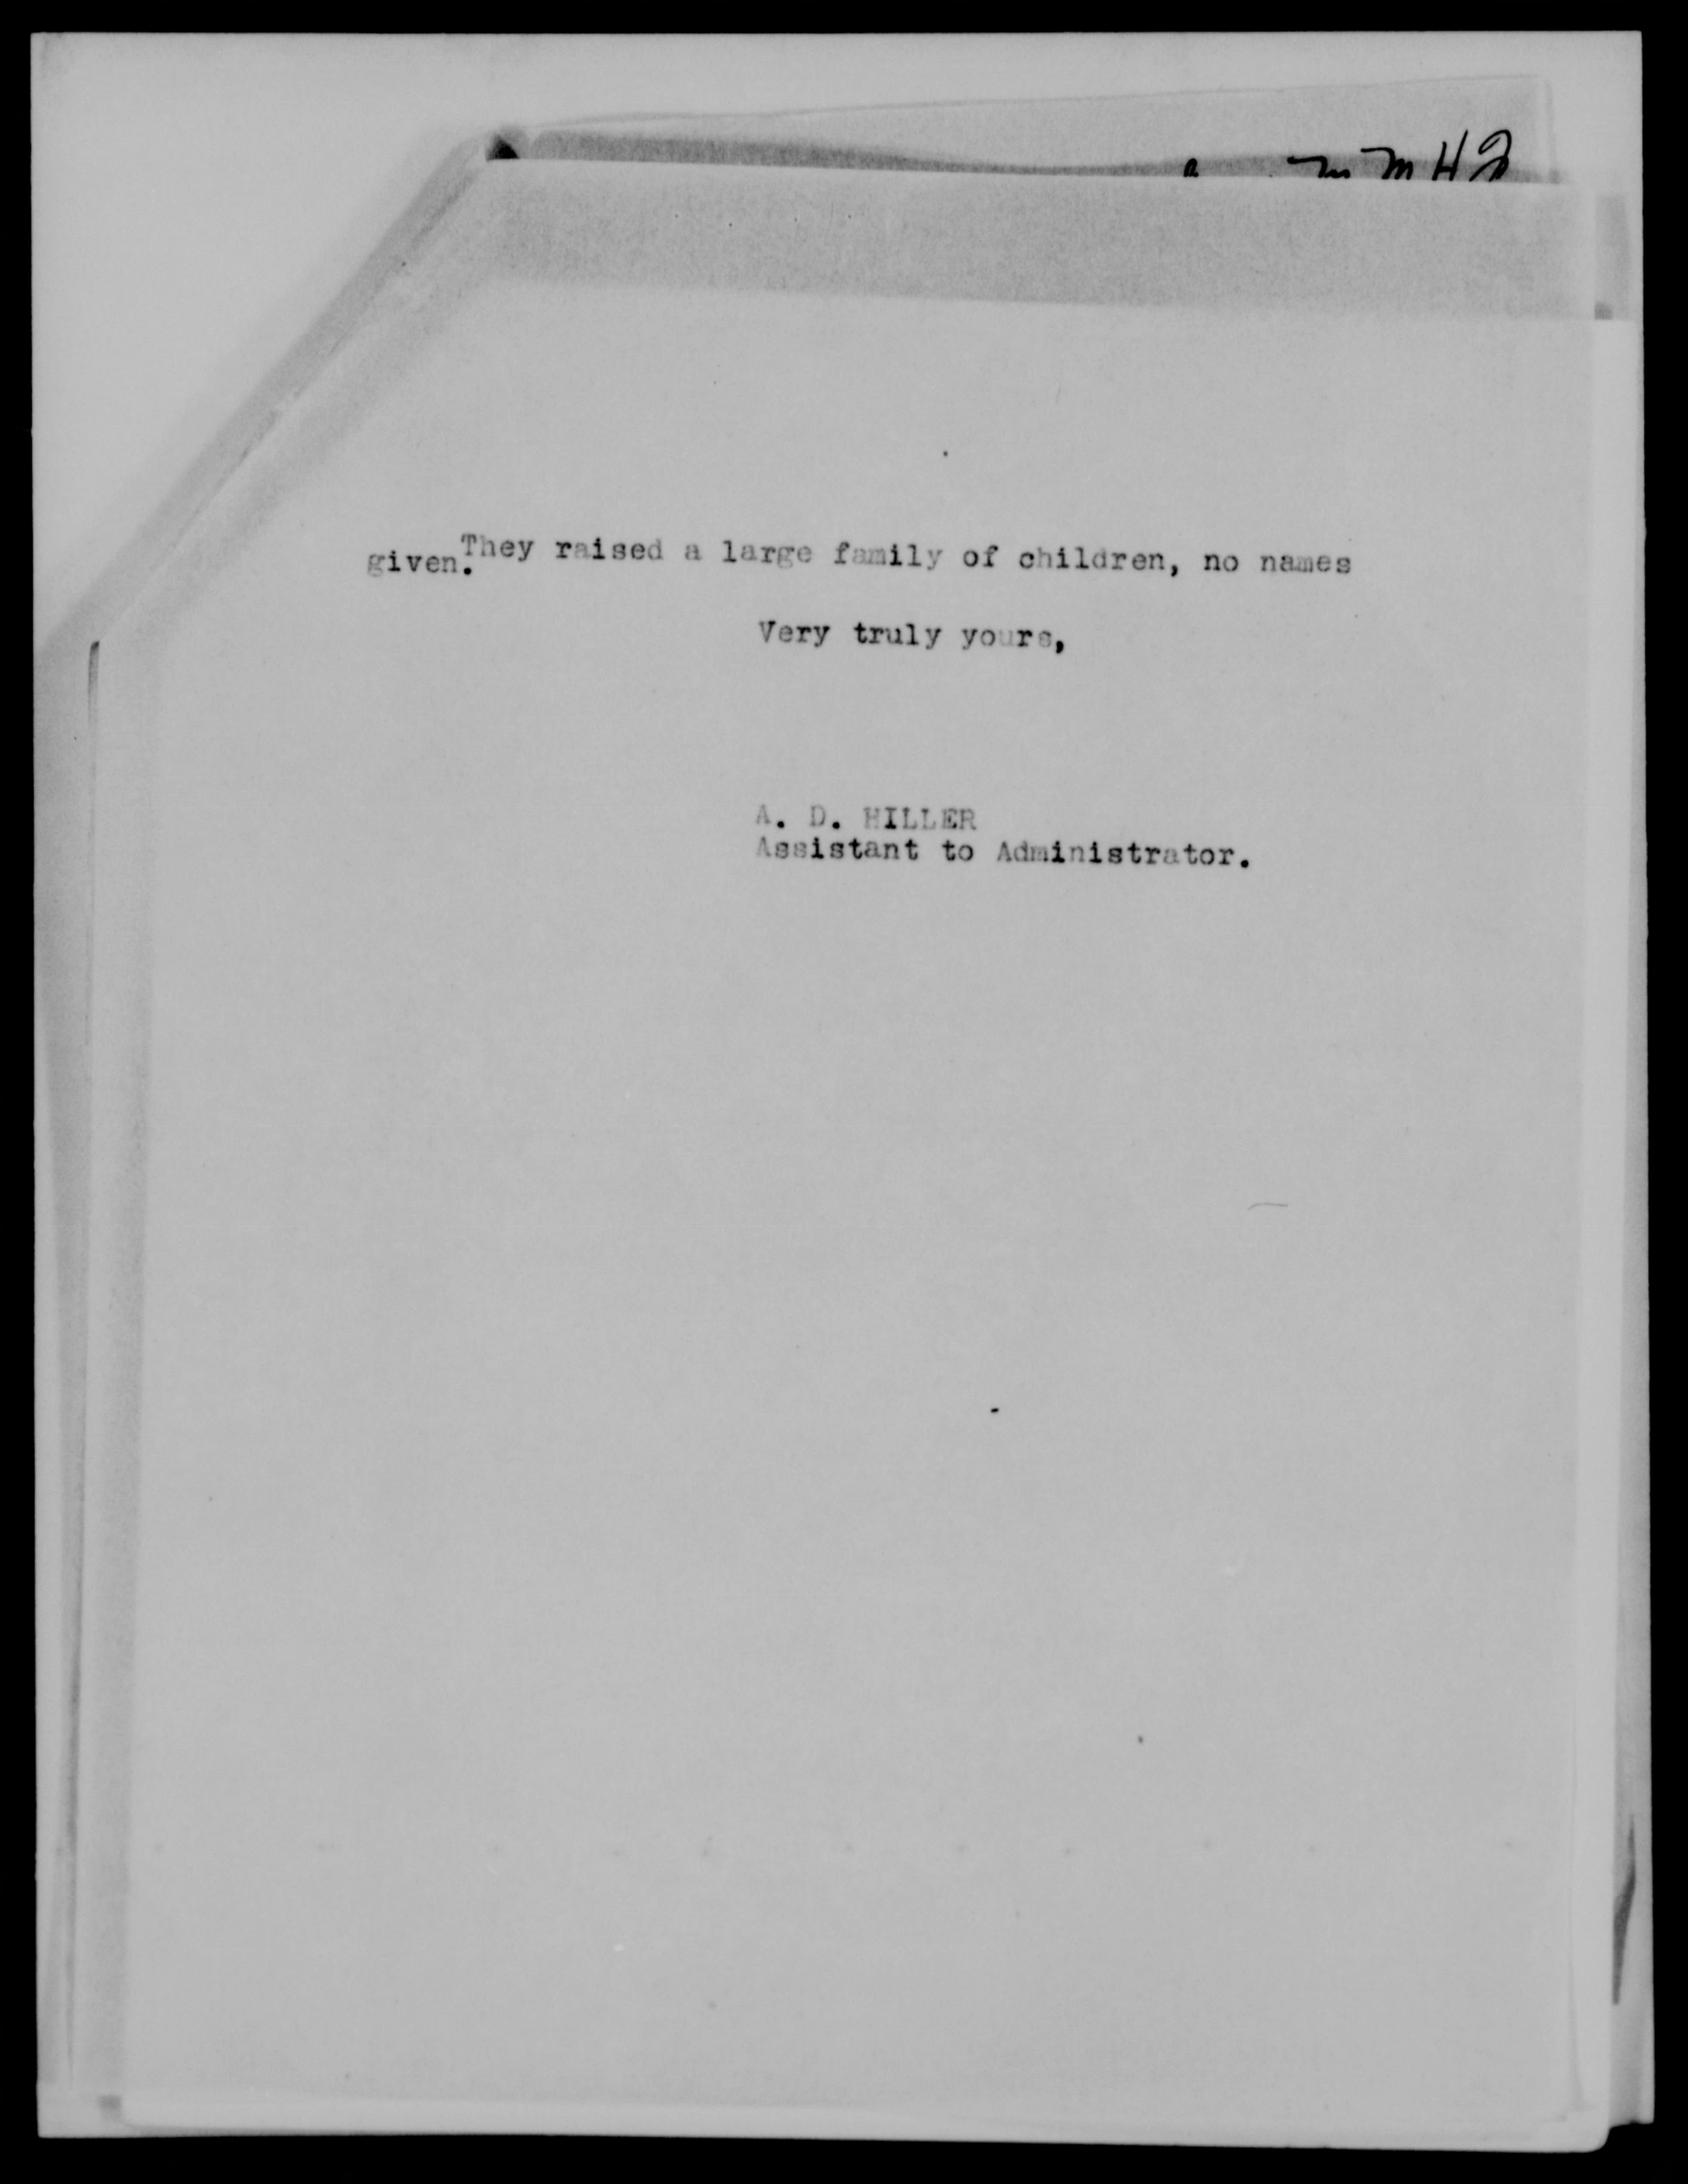They raised a large family of children, no names given.
Very truly yours,
A. D. HILLER
Assistant to Administrator.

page: 51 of 53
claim: widow's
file: W. 6,267, for John Thurman, Georgia